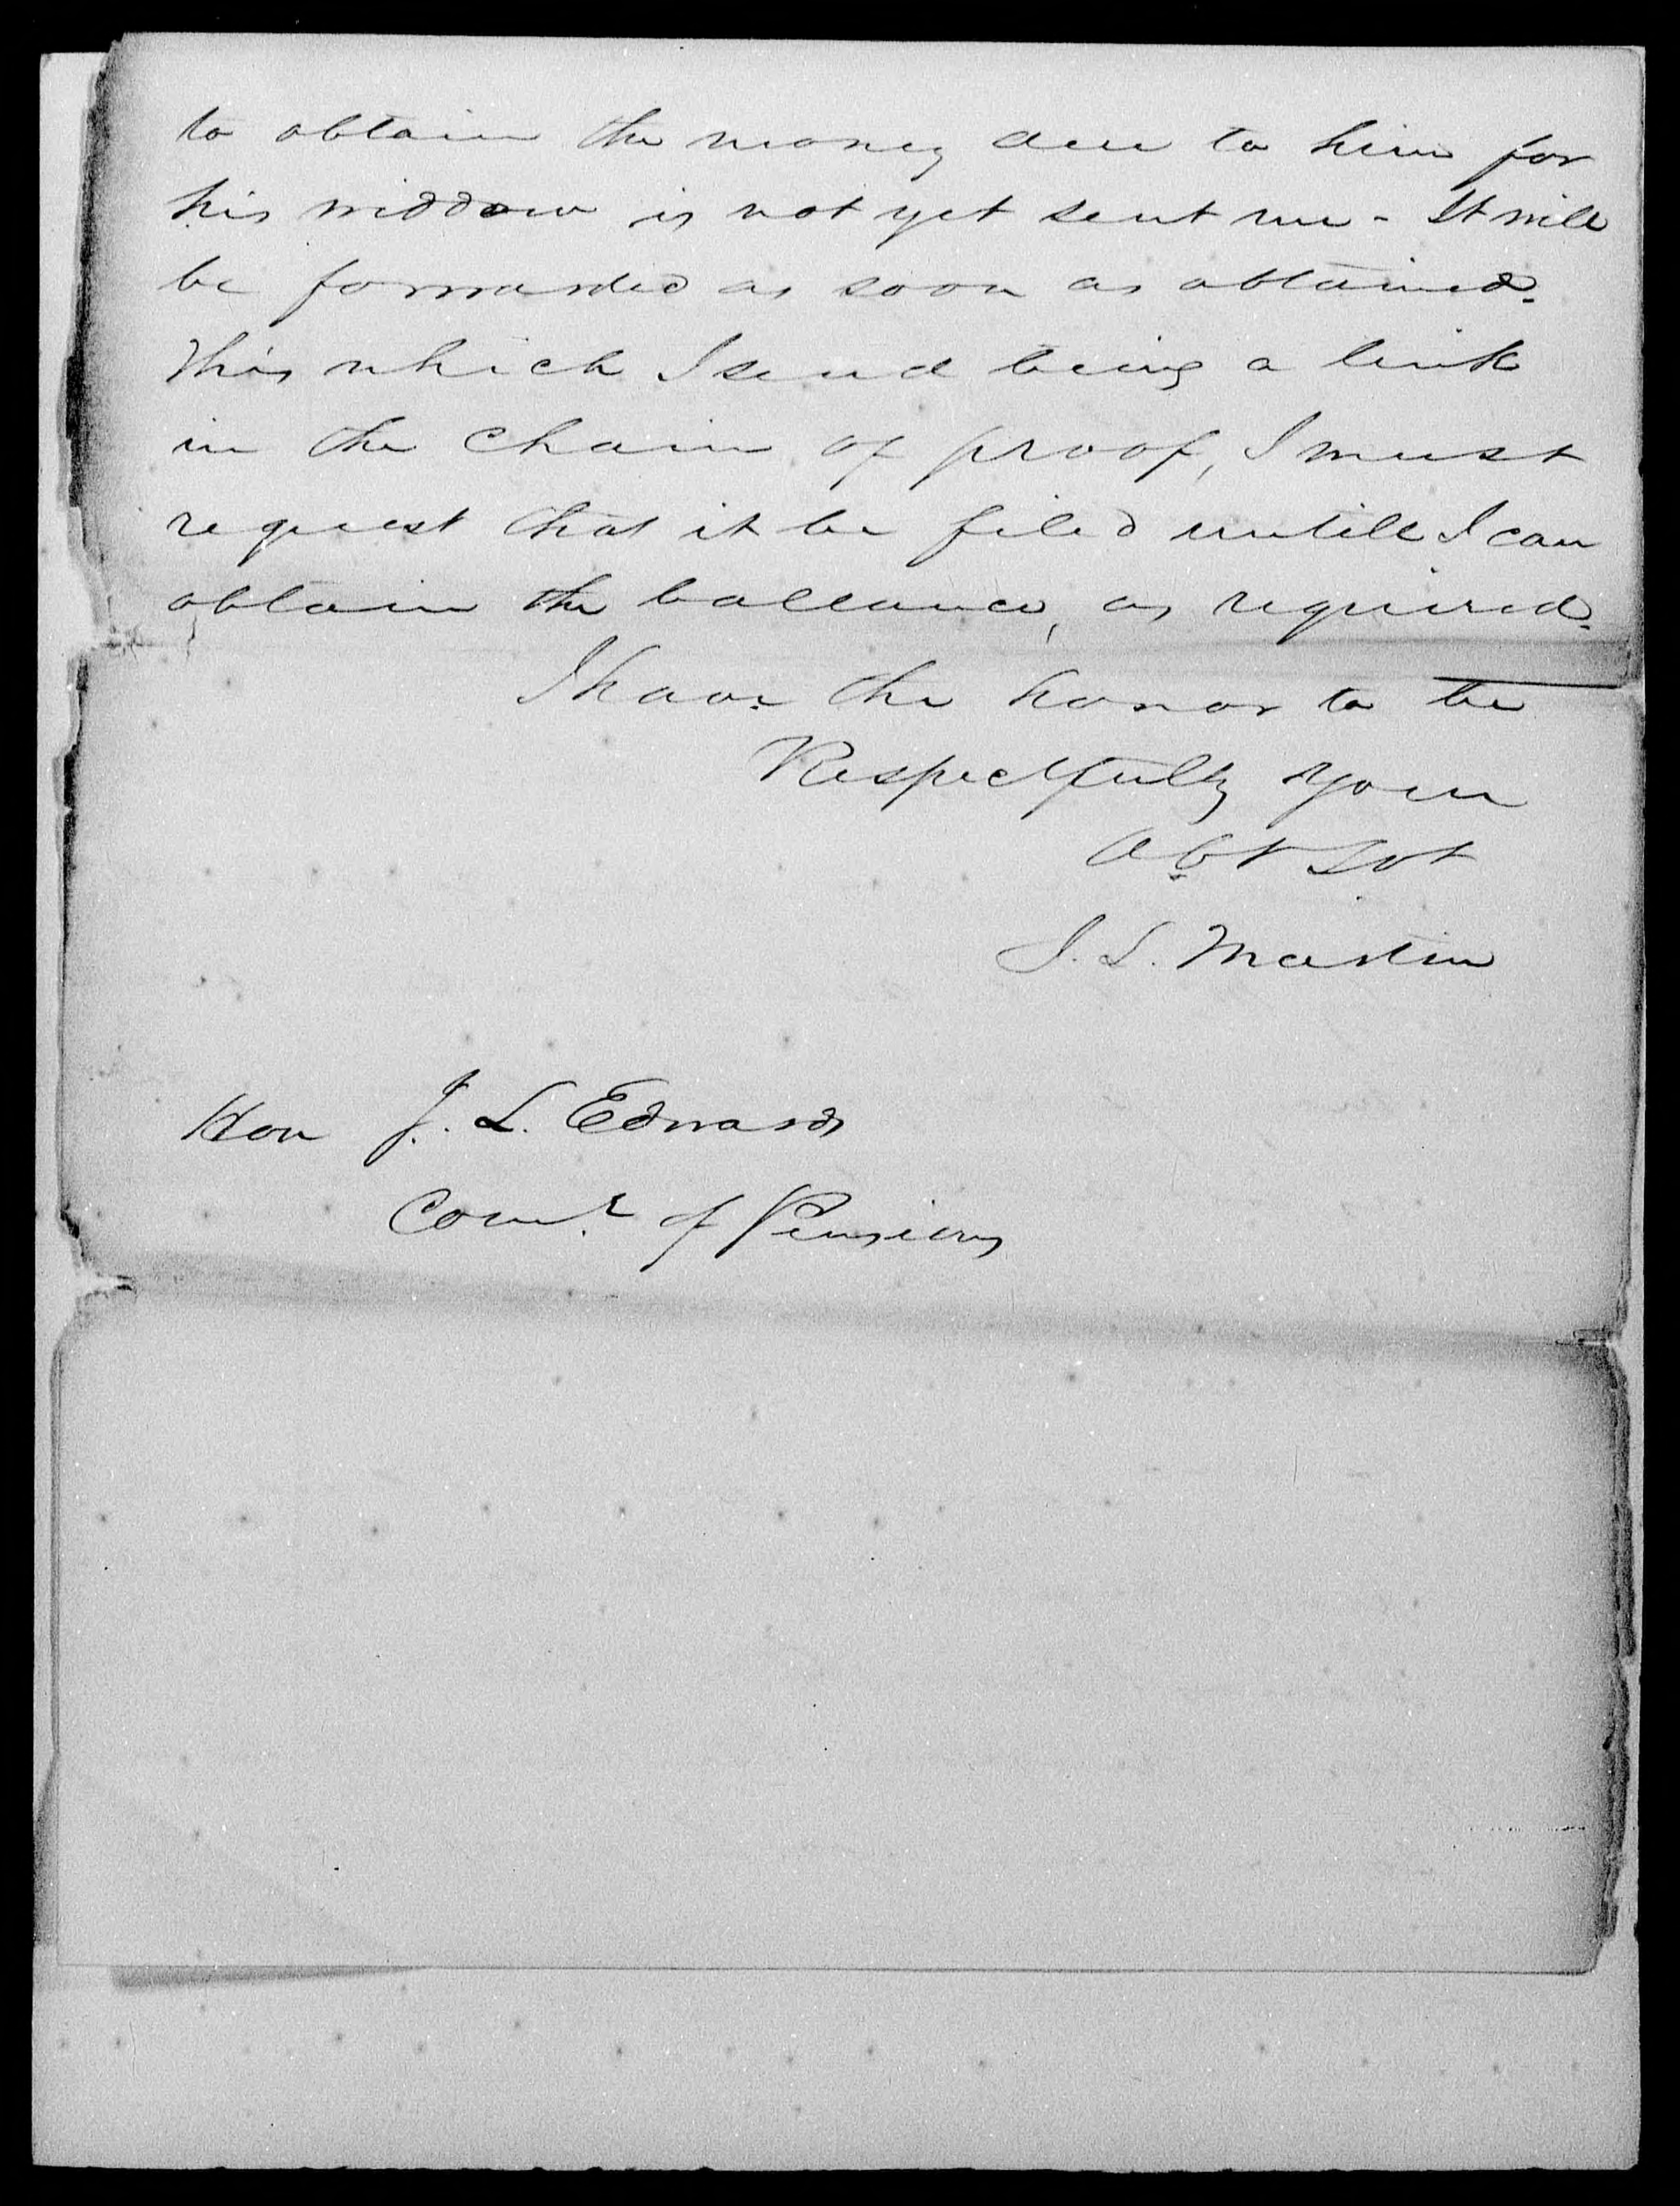to obtain the money due to him for his widdow [widow] is not yet sent me-  It will be forwarded as soon as obtained.  This which I send being a link in the chain of proof, I must request that it be filed untill I can obtain the ballance [balance], as required.
I have the honor to be
Respectfully your obt svt.
[signature] J. L. Martin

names: J L Edwards, J L Martin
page: 50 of 72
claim: widow's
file: W. 897, Thomas Broughton, S.C.